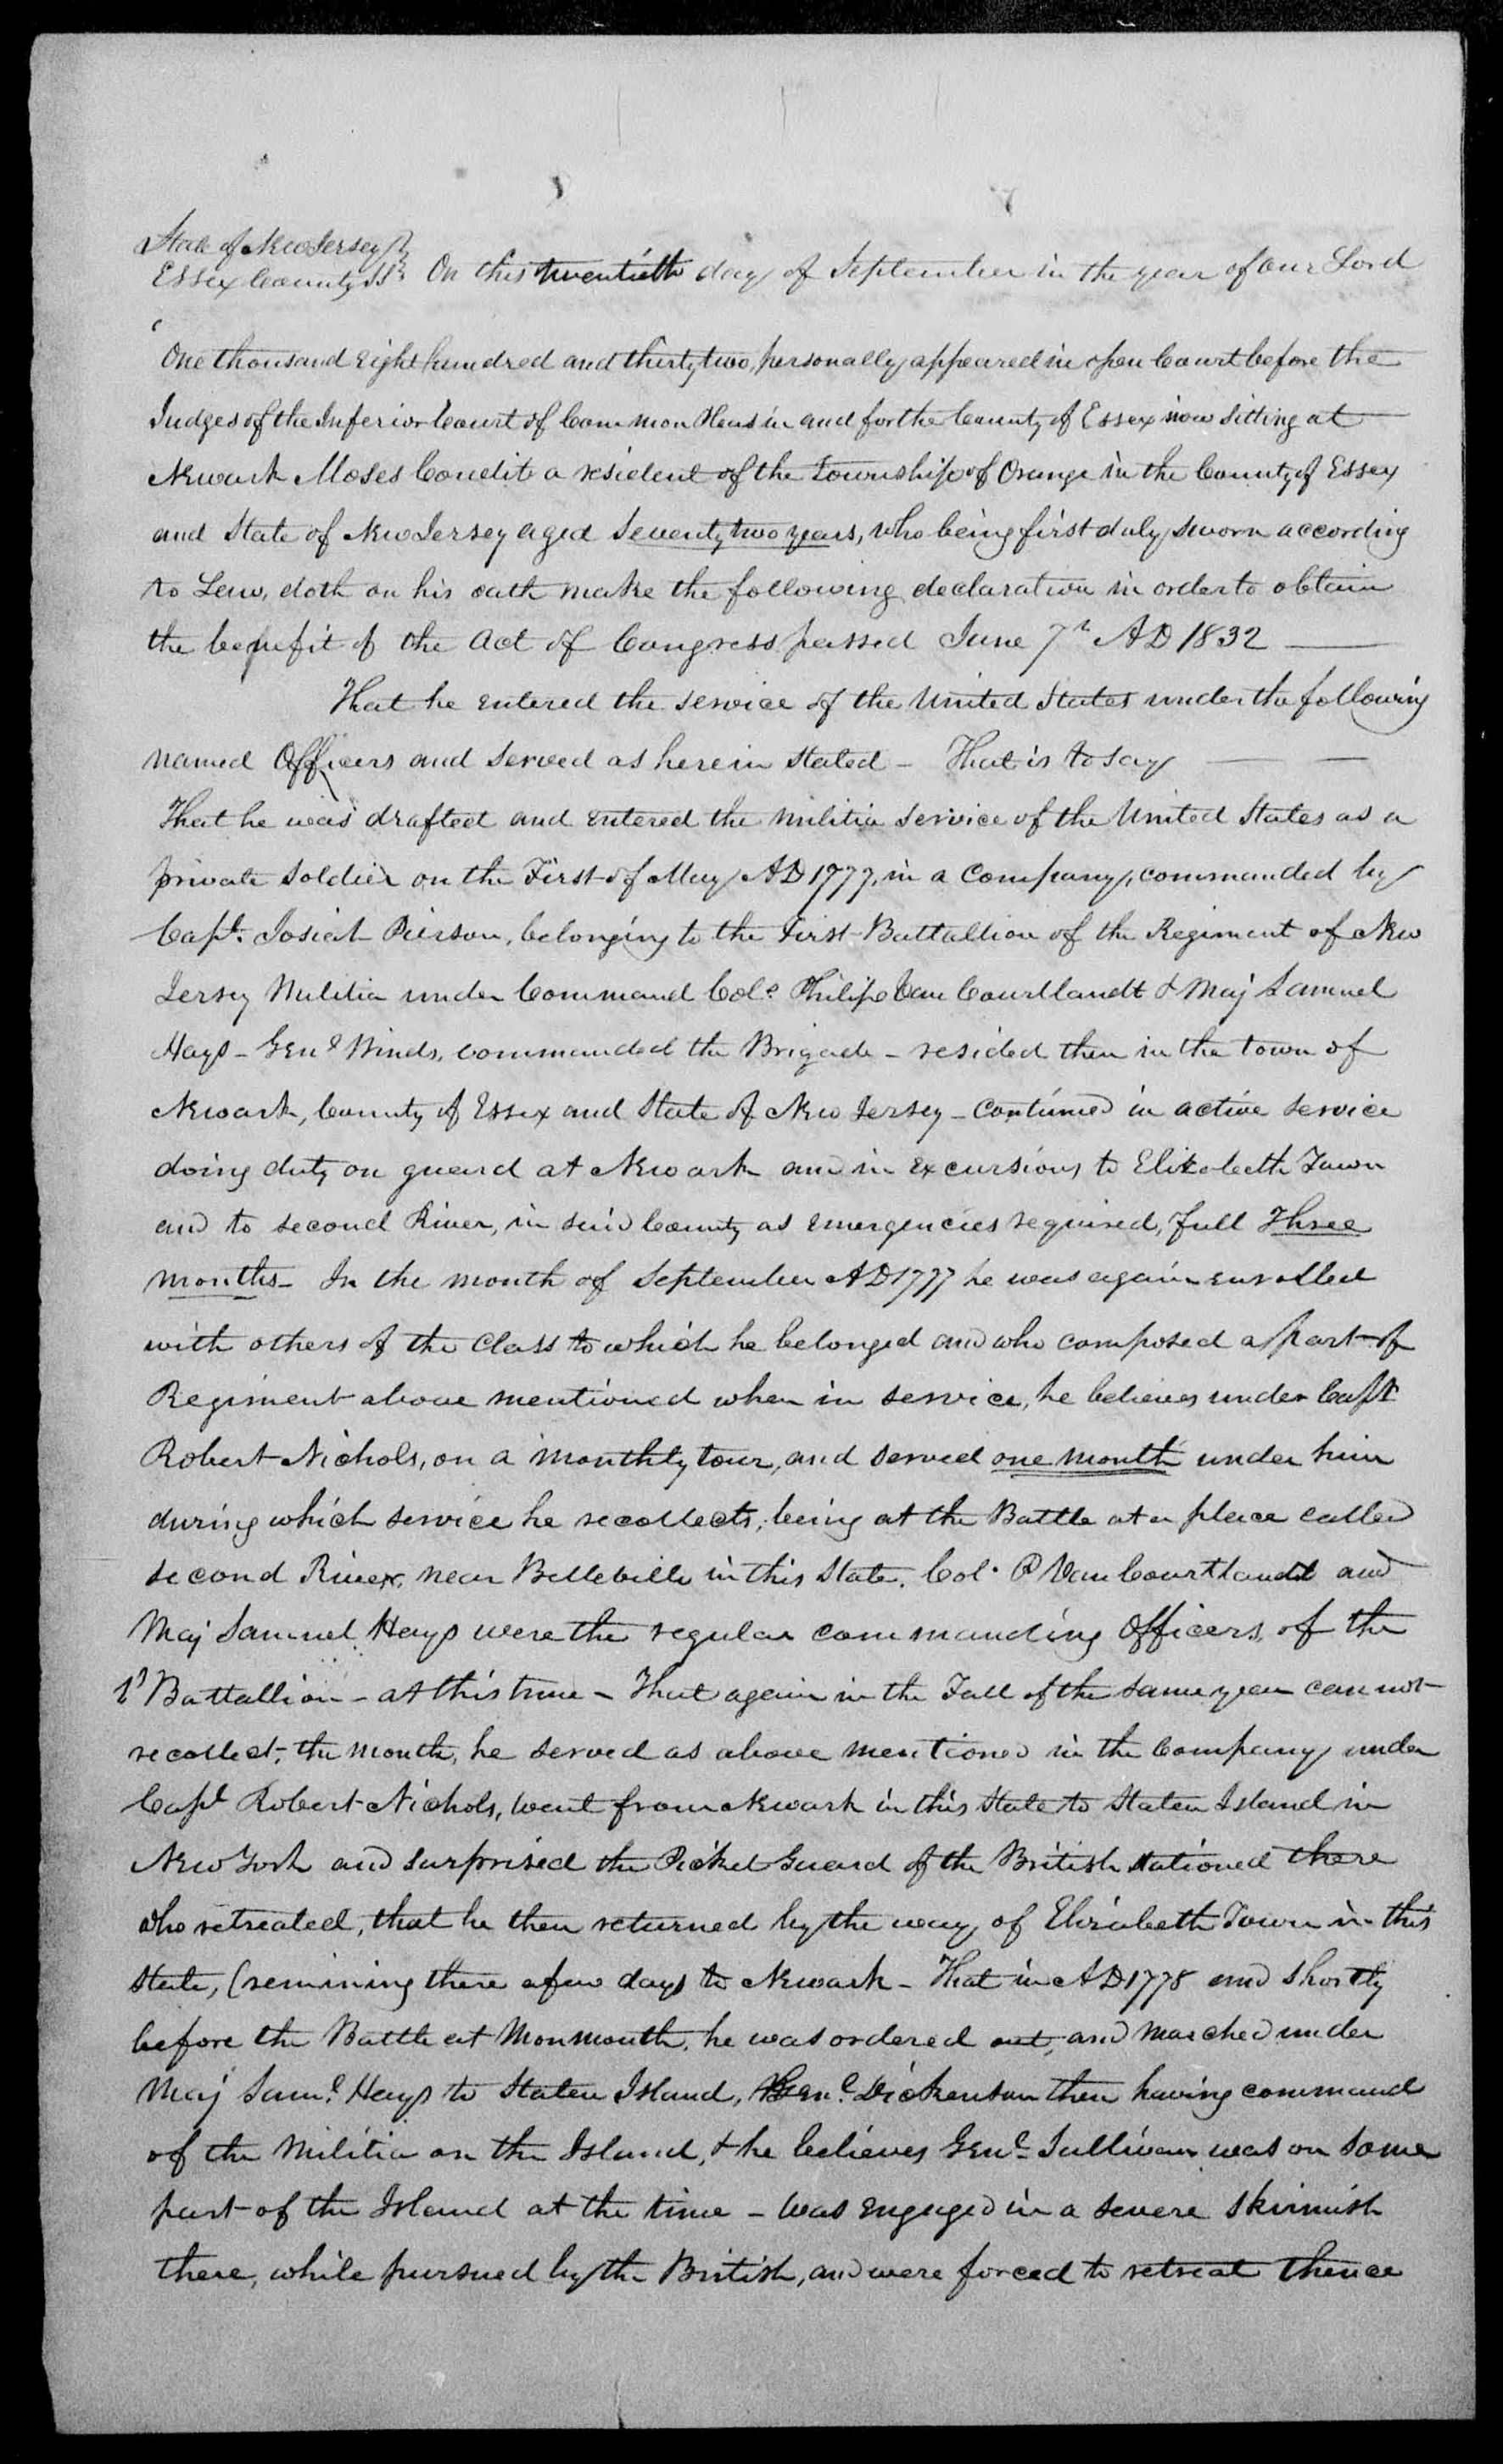State of New Jersey
Essex County SS}
On this twentieth day of September in the year of our Lord One thousand Eight hundred and thirty two personally appeared in open Court before the Judges of the Inferior Court of Common Pleas in and for the County of Essex now sitting at Newark Moses Condit a resident of the township of Orange in the County of Essex and State of New Jersey aged Seventy two years, who being first duly sworn according to Law, doth on his oath make the following declaration in order to obtain
the benefit of the Act of Congress passed June 7th AD 1832
That he entered the service of the United States under the following named officers and served as herein stated - That is to say -
That he was drafted and entered the militia service of the United States as a private soldier on the First of May AD 1777, in a company commanded by Capt. Josiah Pierson, belonging to the First Battallion of the Regiment of New Jersey Militia under Command Col Philip Van Courtlandt & Maj Samuel Hays-- Genl Winds, commanded the Brigade-- resided then in the town of
Newark, County of Essex and State of New Jersey-- continued in active service doing duty on guard at Newark and in excursions to Elizabeth Town and to second River, in said County as emergencies required, full three
months. In the month of September AD 1777 he was again enrolled with others of the class to which he belonged and who composed a part of Regiment above mentioned when in service, he believes under Capt Robert Nichols, on a monthly tour, and served one month under him during which service he recollects, being at the Battle at a place called Second River, near Belleville in this State, Col. P Van Courtland and Maj Samuel Hays were the regular commanding officers of the 1st
Battallion, at this time-- That again in the fall of the same year cannot recollect the month he served as above mentioned in the Company under Capt Robert Nichols, went from Newark in this State to Staten Island in
New York and surprised the picket Guard of the British stationed there who retreated, that he then returned by the way of Elizabeth Town in this State, (remining there a few days to Newark. That in AD 1778 and shortly before the Battle at Monmouth he was ordered out, and marched under May Saml Hays to Staten Island, Genl Dickenson there having command
of the Militia on the Island, & he believes Genl Sullivan was on some part of the Island at the time-- was engaged in a severe skirmish
there, while pursued by the British, and were forced to retreat thence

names: P Van Courtlandt, Winds, Moses Condit, Sullivan, Philip Van Courtlandt, Saml Hays, Dickenson, Samuel Hays, Robert Nichols, Robert Nichols, Josiah Pierson, Samuel Hays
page: 3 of 23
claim: survivor's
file: S. 3212, Moses Condit, New Jersey